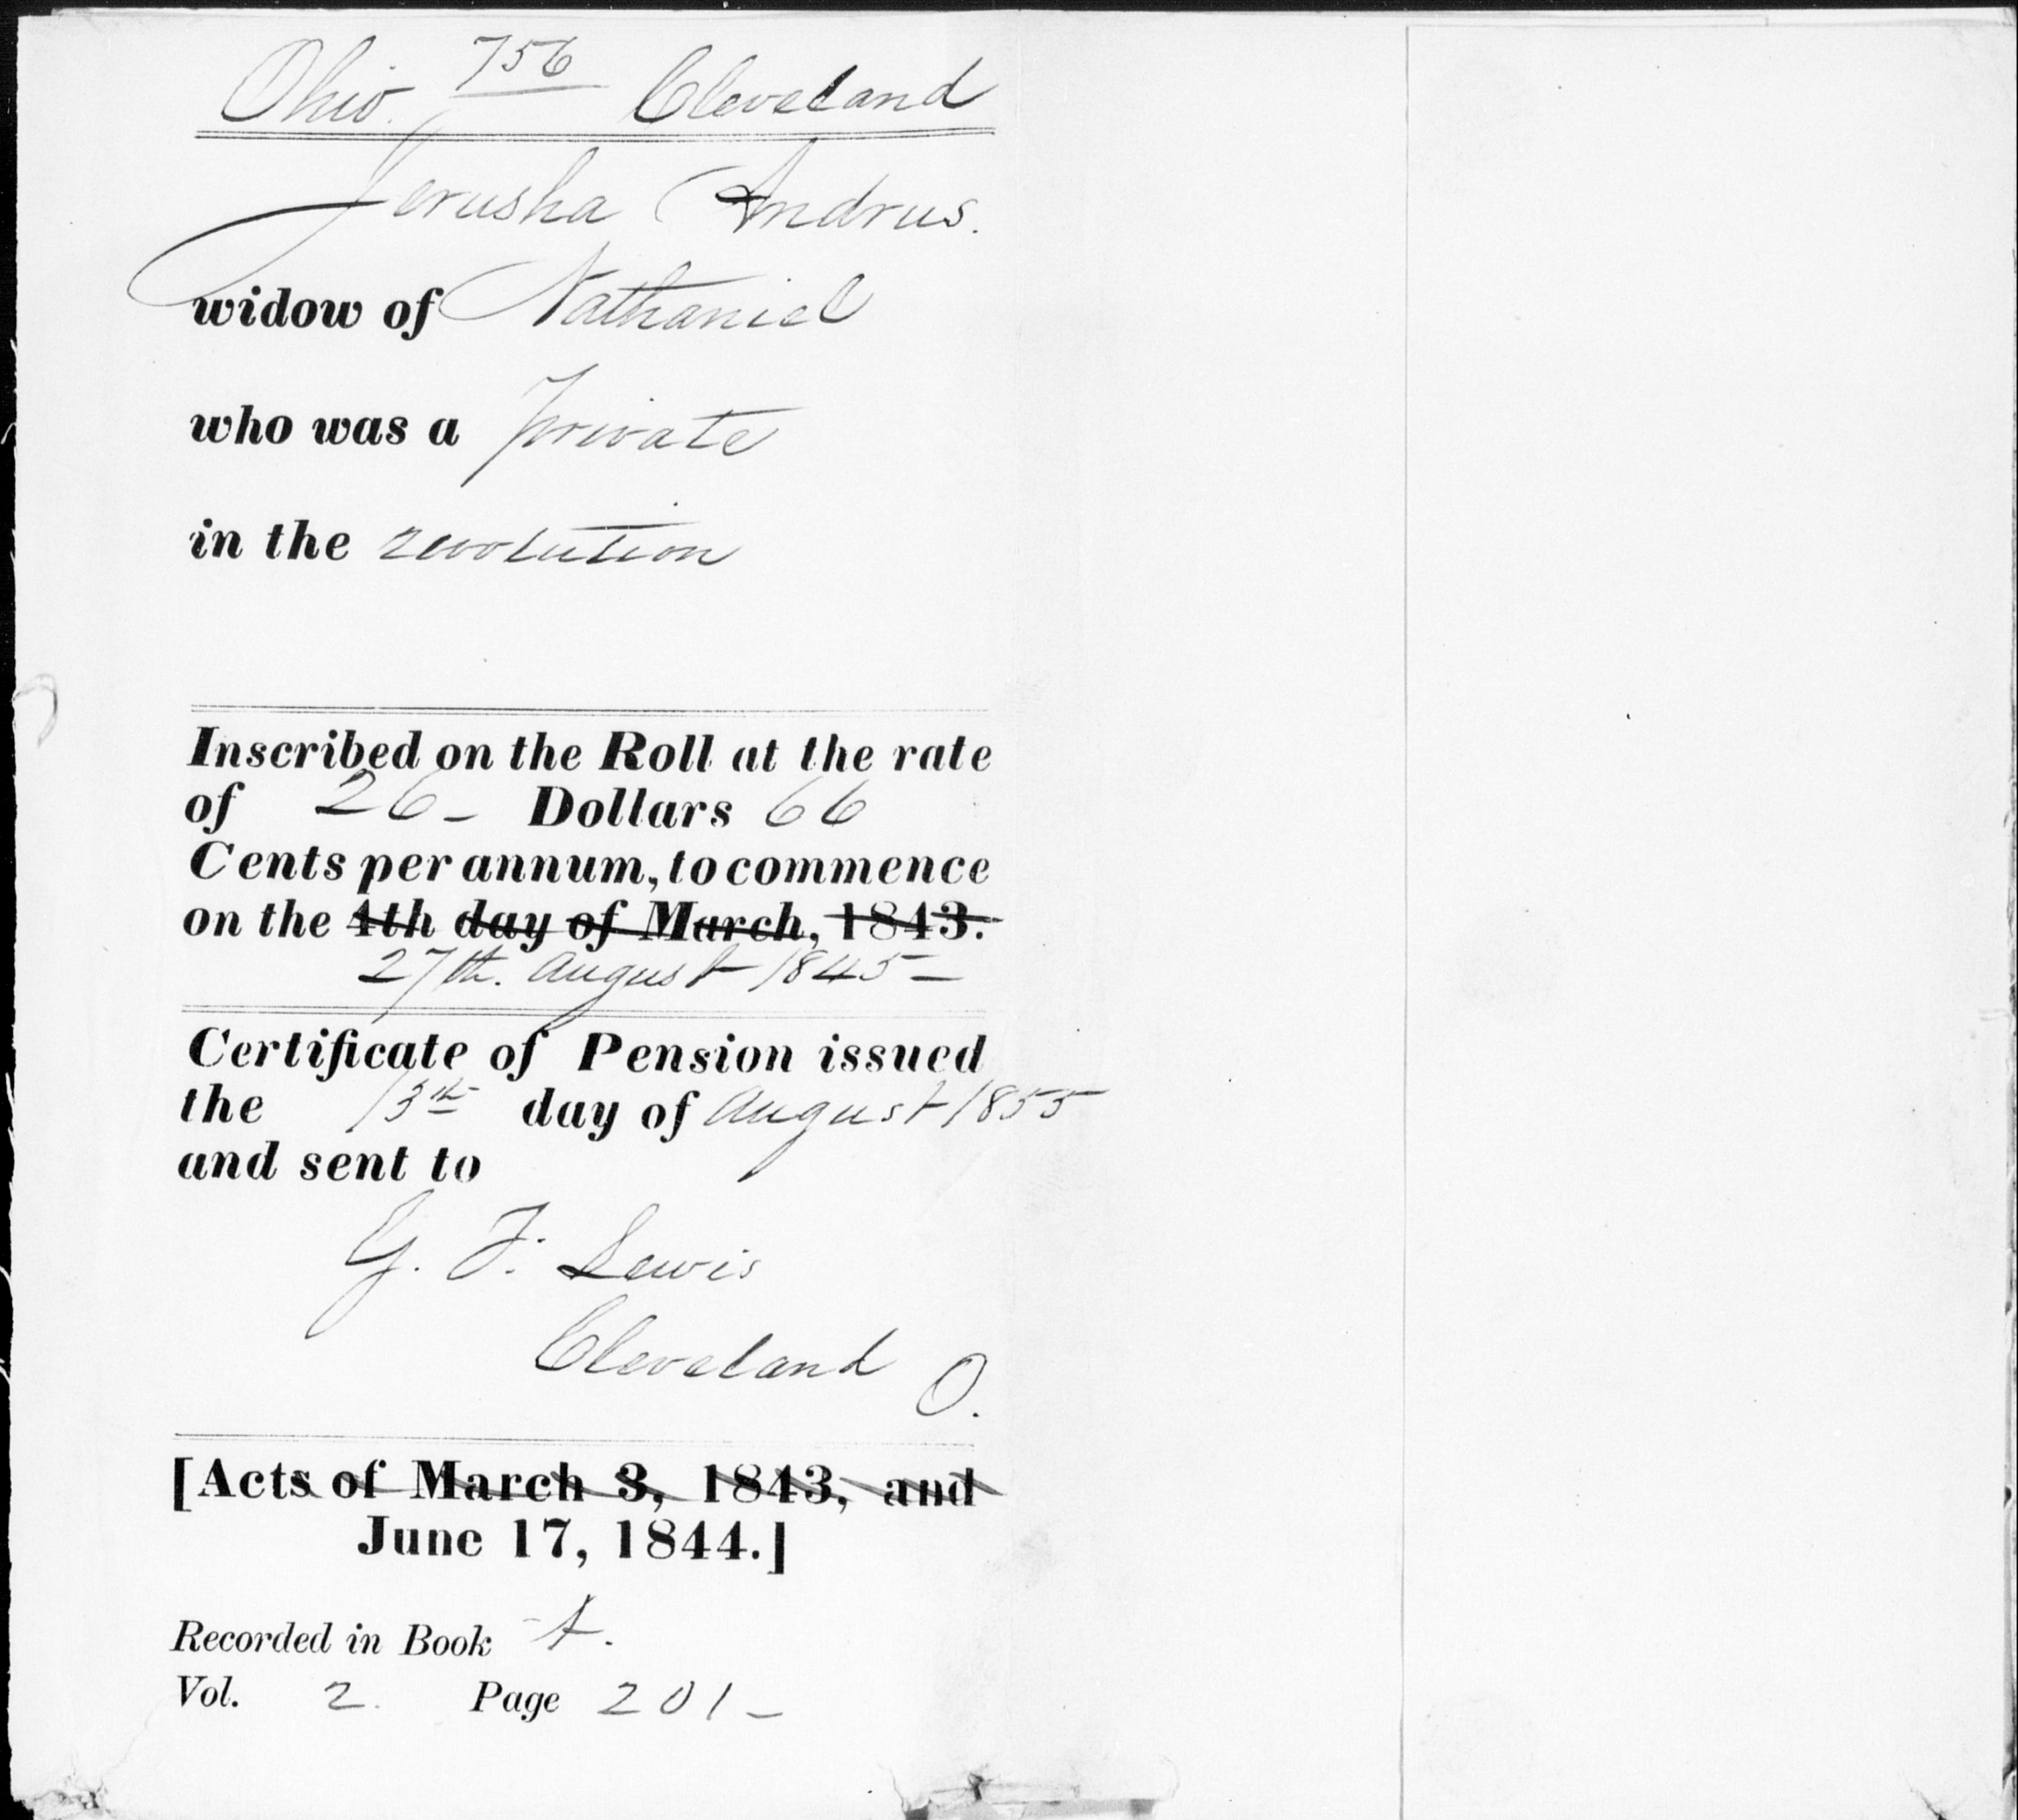Ohio 756 Cleveland
Jerusha Andrews
widow of Nathaniel
who was a private
in the Revolution
Inscribed on the Roll at the rate
of 26 Dollars 66
Cents per annum, to commence
on the 27th August 1845
Certificate of Pension issued
the 13th day of August 1855
and sent to
G. F. Lewis
Cleveland O.
Acts of June 17, 1844.
Recorded in Book A.
Vol. 2. Page 201-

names: Jerusha Andrus, G F Lewis, Nathaniel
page: 21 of 78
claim: widow's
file: W. 4117, Nathaniel Bradley, Conn.